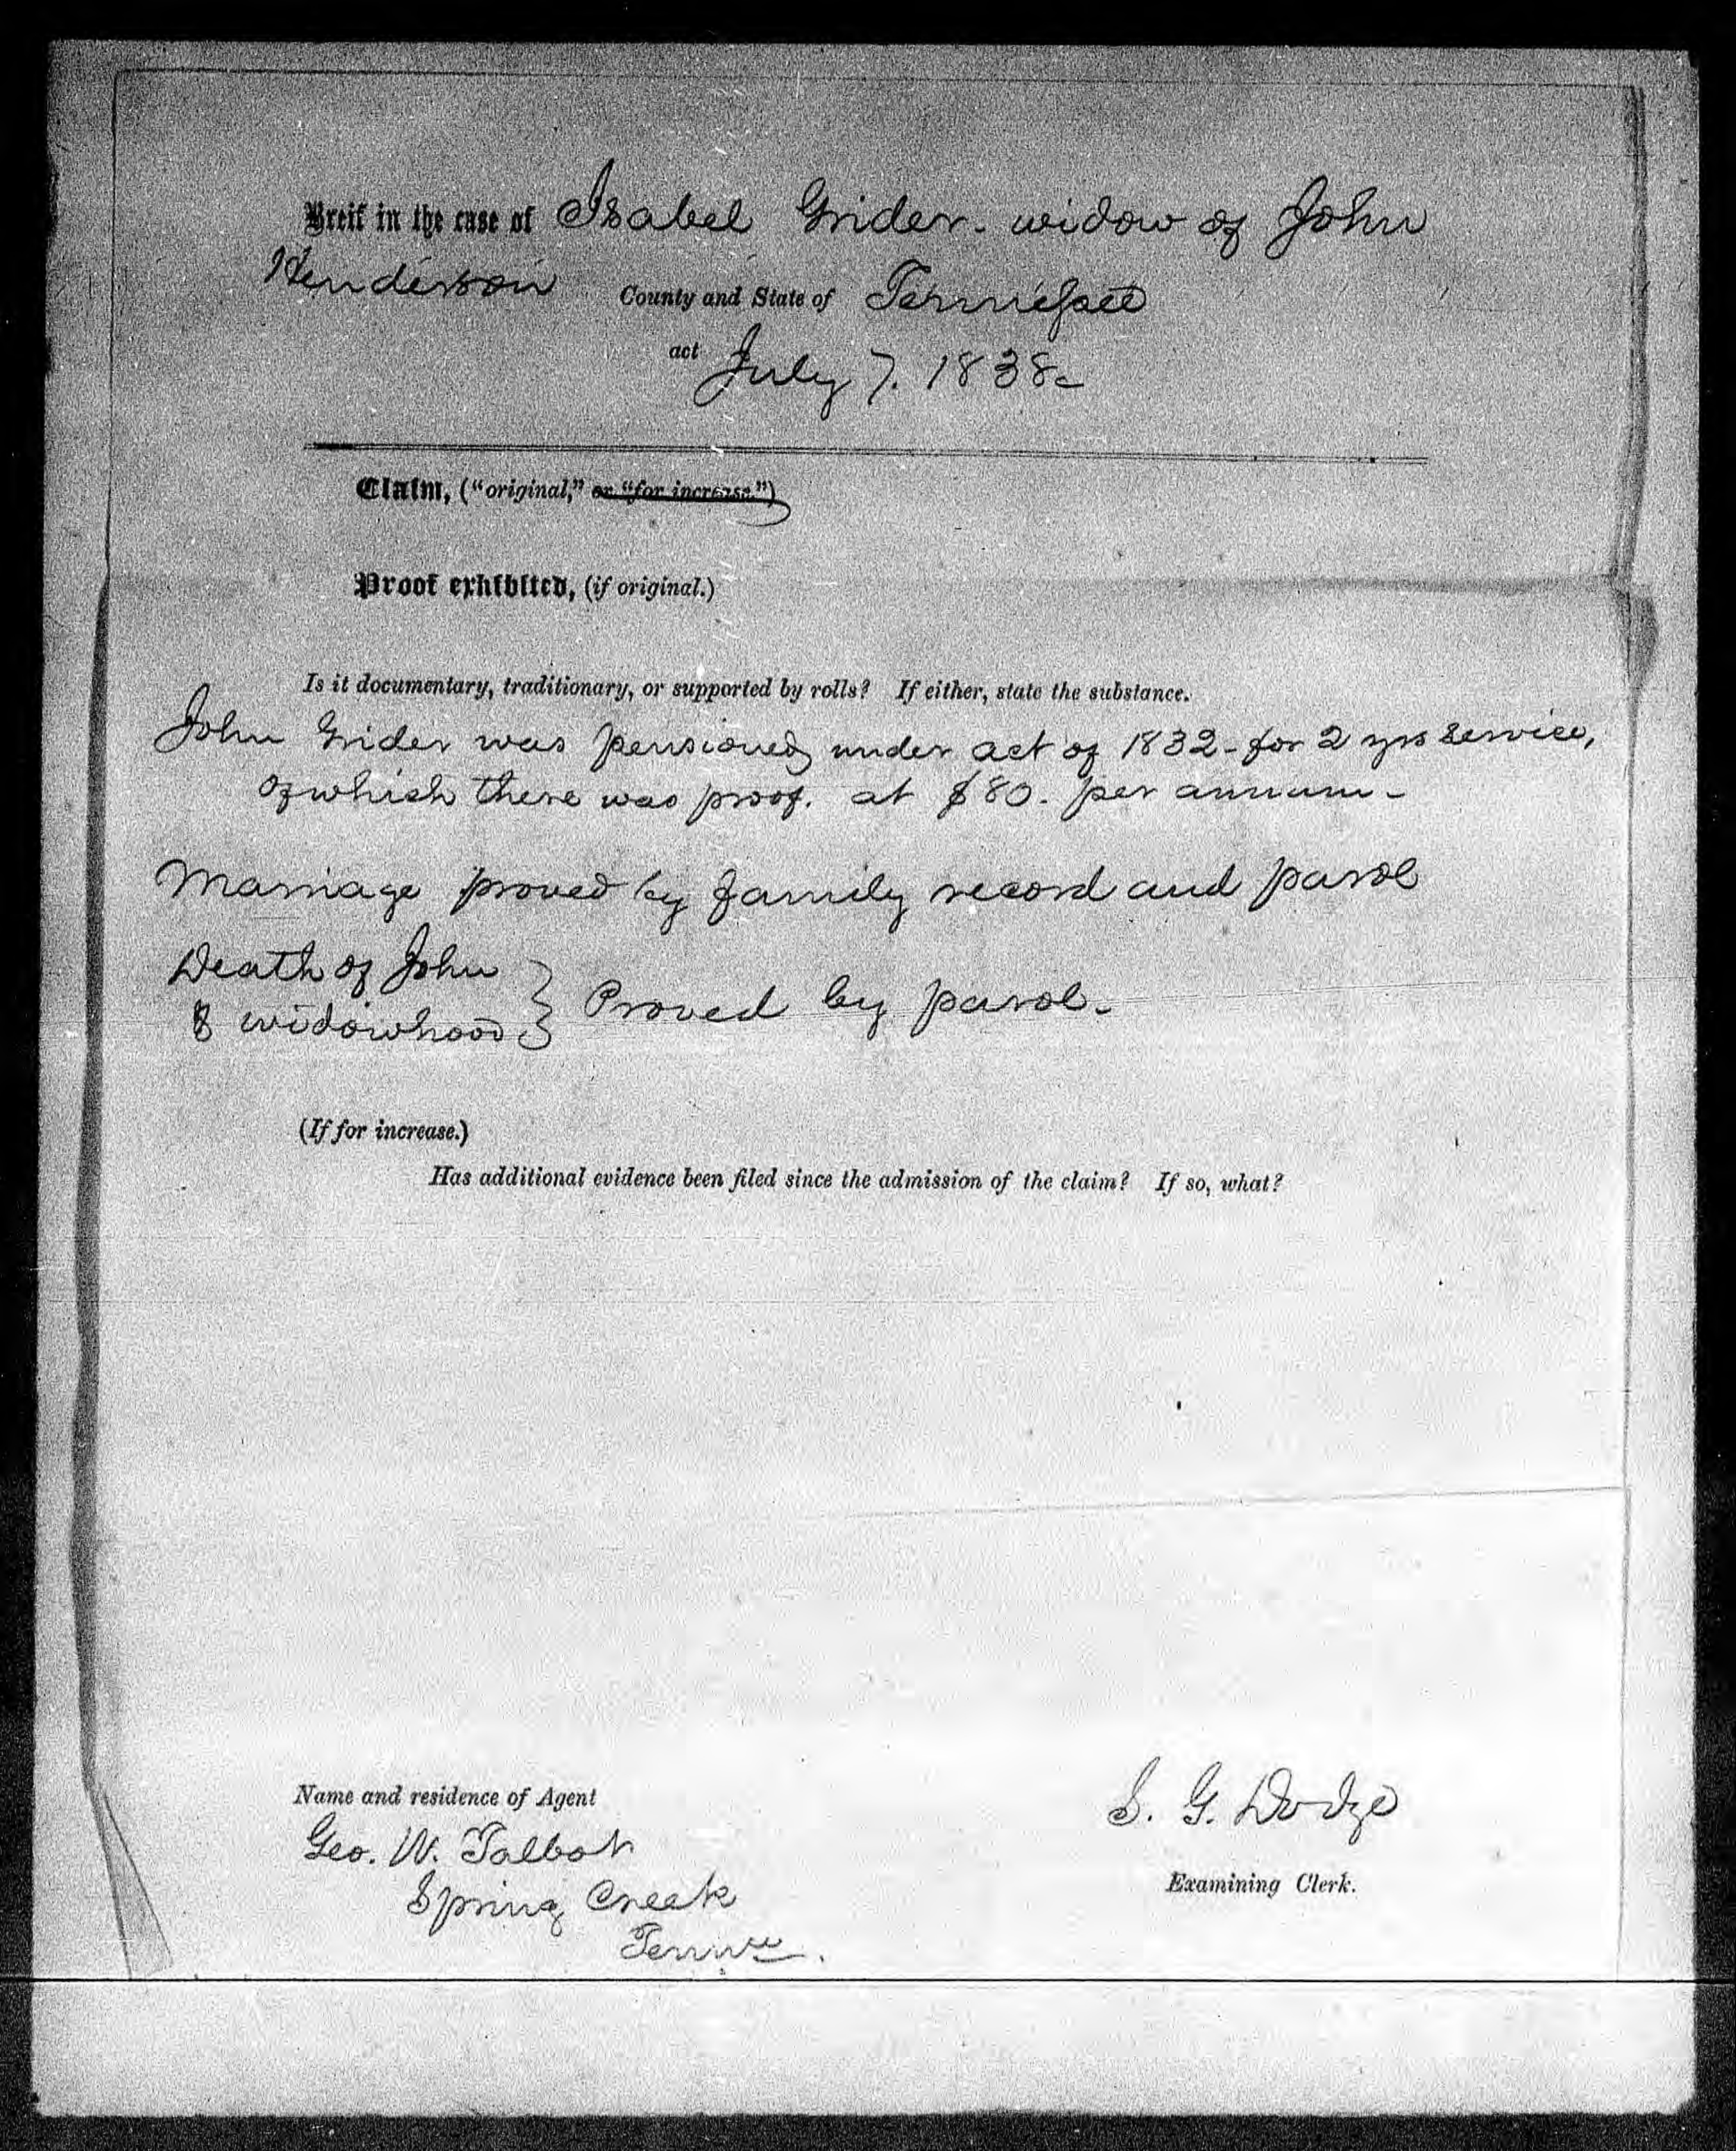Breif in the case of  Isabel Grider- Widow of Joh 
Henderson County and State of Tennessee 
Act July 7, 1838

Claim, ("original", [crossed out- or "for increase" ])

Proof exhibited, (if original)

Is it documentary, traditionary, or supported by rolls?  If either, state the substance.
John Grider was pensioned under at of 1832- for 2 years service of which there was proof at  $80 per annum-

Marriage proved by family record and [illegible]

Death of John and widowhood} proved by [illegible]

(If for increase.)
Has additional evidence been filed since the admission of the claim?  If so, what?


Name and residence of Agent
Geo W. Talbot
Spring Creek
Tennessee                                 S. G. Dodge Examining Clerk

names: John Grider, John Grider, Geo W Talbot, S G Dodge, John, Isabel Grider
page: 75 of 91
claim: widow's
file: W 358, John Grider, N.C.